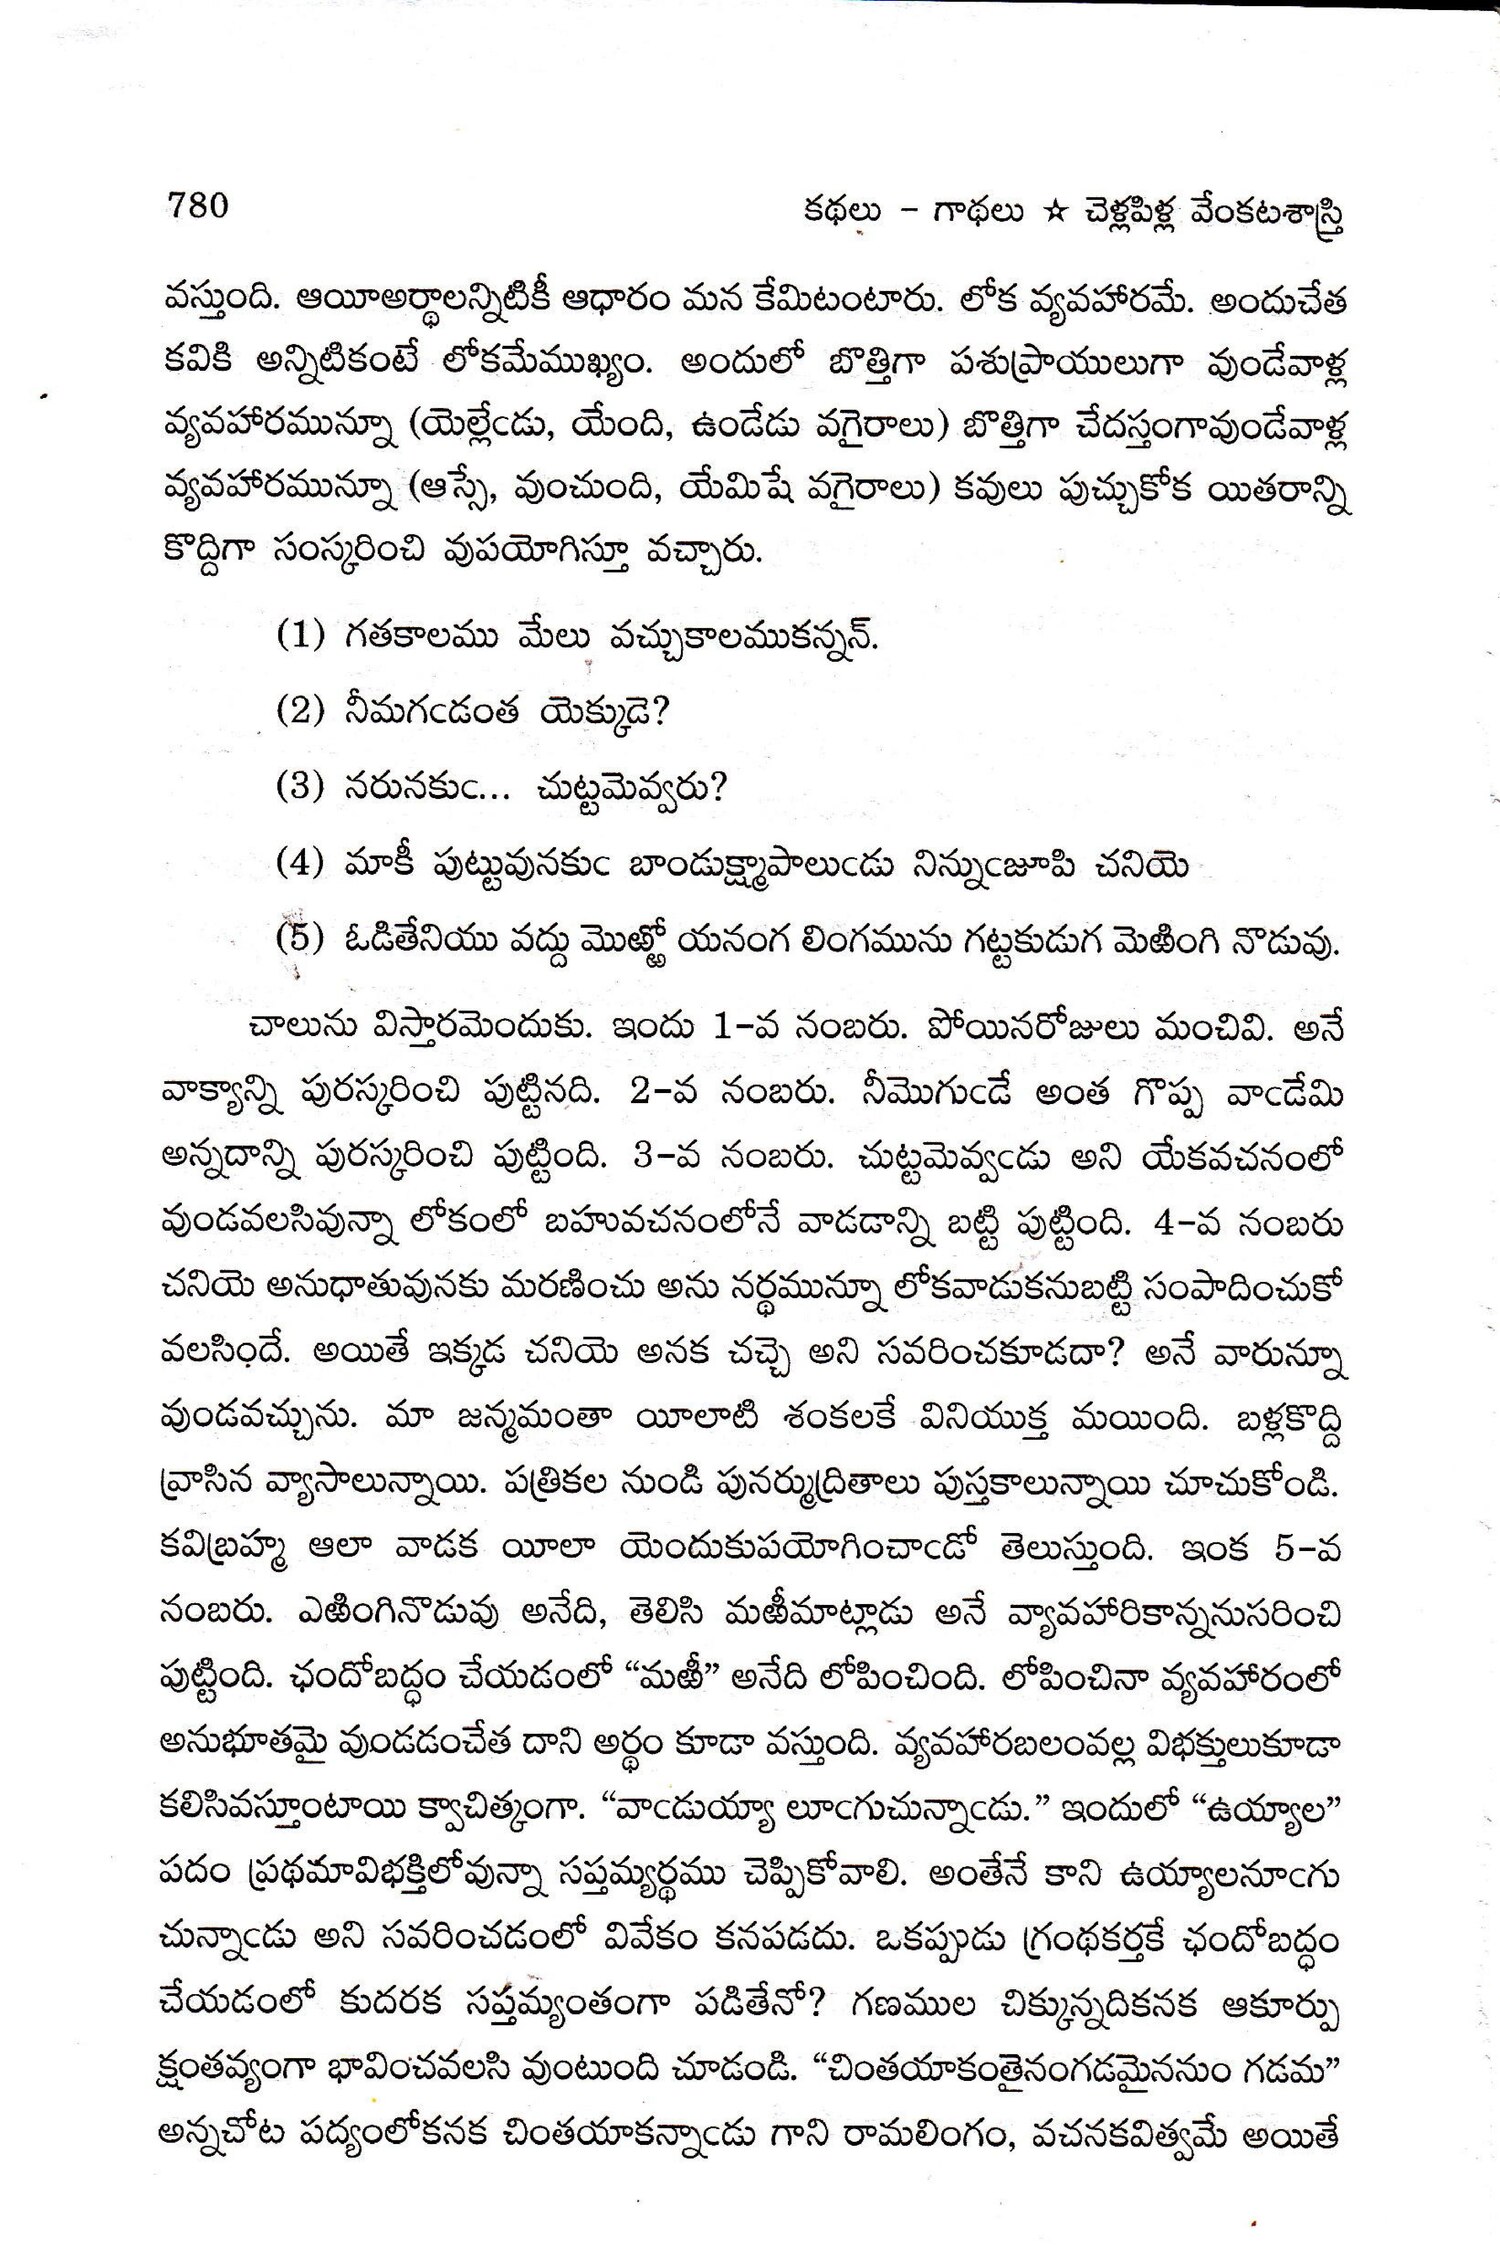వస్తుంది. ఆయీఅర్థాలన్నిటికీ ఆధారం మన కేమిటంటారు. లోక వ్యవహారమే. అందుచేత కవికి అన్నిటికంటే లోకమేముఖ్యం. అందులో బొత్తిగా పశుప్రాయులుగా వుండేవాళ్ల వ్యవహారమున్నూ (యెల్లేఁడు, యేంది, ఉండేడు వగైరాలు) బొత్తిగా చేదస్తంగావుండేవాళ్ల వ్యవహారమున్నూ (ఆస్సే, వుంచుంది, యేమిషే వగైరాలు) కవులు పుచ్చుకోక యితరాన్ని కొద్దిగా సంస్కరించి వుపయోగిస్తూ వచ్చారు.

(1) గతకాలము మేలు వచ్చుకాలముకన్నన్,

(2) నీమగఁడంత యెక్కుడె?

(3) నరునకుఁ. చుట్టమెవ్వరు? 

(4) మాకీ పుట్టువునకుఁ బాండుక్ష్మాపాలుఁడు నిన్నుఁజూపి చనియె 

(5) ఓడితేనియు వద్దు మొఱ్ఱో యనంగ లింగమును గట్టకుడుగ మెఱింగి నొడువు.

చాలును విస్తారమెందుకు. ఇందు 1-వ నంబరు. పోయినరోజులు మంచివి. అనే వాక్యాన్ని పురస్కరించి పుట్టినది. 2-వ నంబరు. నీమొగుఁడే అంత గొప్ప వాఁడేమి అన్నదాన్ని పురస్కరించి పుట్టింది. 3–వ నంబరు. చుట్టమెవ్వఁడు అని యేకవచనంలో వుండవలసివున్నా లోకంలో బహువచనంలోనే వాడడాన్ని బట్టి పుట్టింది. 4–వ నంబరు చనియె అనుధాతువునకు మరణించు అను నర్ధమున్నూ లోకవాడుకనుబట్టి సంపాదించుకో వలసిందే. అయితే ఇక్కడ చనియె అనక చచ్చె అని సవరించకూడదా? అనే వారున్నూ వుండవచ్చును. మా జన్మమంతా యీలాటి శంకలకే వినియుక్త మయింది. బళ్లకొద్ది వ్రాసిన వ్యాసాలున్నాయి. పత్రికల నుండి పునర్ముద్రితాలు పుస్తకాలున్నాయి చూచుకోండి. కవిబ్రహ్మ ఆలా వాడక యీలా యెందుకుపయోగించాఁడో తెలుస్తుంది. ఇంక 5-వ నంబరు. ఎఱింగినొడువు అనేది, తెలిసి మఱీమాట్లాడు అనే వ్యావహారికాన్ననుసరించి పుట్టింది. ఛందోబద్ధం చేయడంలో "మఱీ" అనేది లోపించింది. లోపించినా వ్యవహారంలో అనుభూతమై వుండడంచేత దాని అర్థం కూడా వస్తుంది. వ్యవహారబలంవల్ల విభక్తులుకూడా కలిసివస్తూంటాయి క్వాచిత్కంగా, "వాఁడుయ్యా లూఁగుచున్నాఁడు." ఇందులో "ఉయ్యాల” పదం ప్రథమావిభక్తిలోవున్నా సప్తమ్యర్థము చెప్పికోవాలి. అంతేనే కాని ఉయ్యాలనూఁగు చున్నాఁడు అని సవరించడంలో వివేకం కనపడదు. ఒకప్పుడు గ్రంథకర్తకే ఛందోబద్ధం చేయడంలో కుదరక సప్తమ్యంతంగా పడితేనో? గణముల చిక్కున్నదికనక ఆకూర్పు క్షంతవ్యంగా భావించవలసి వుంటుంది చూడండి. “చింతయాకంతైనంగడమైననుం గడమ" అన్నచోట పద్యంలోకనక చింతయాకన్నాఁడు గాని రామలింగం, వచనకవిత్వమే అయితే